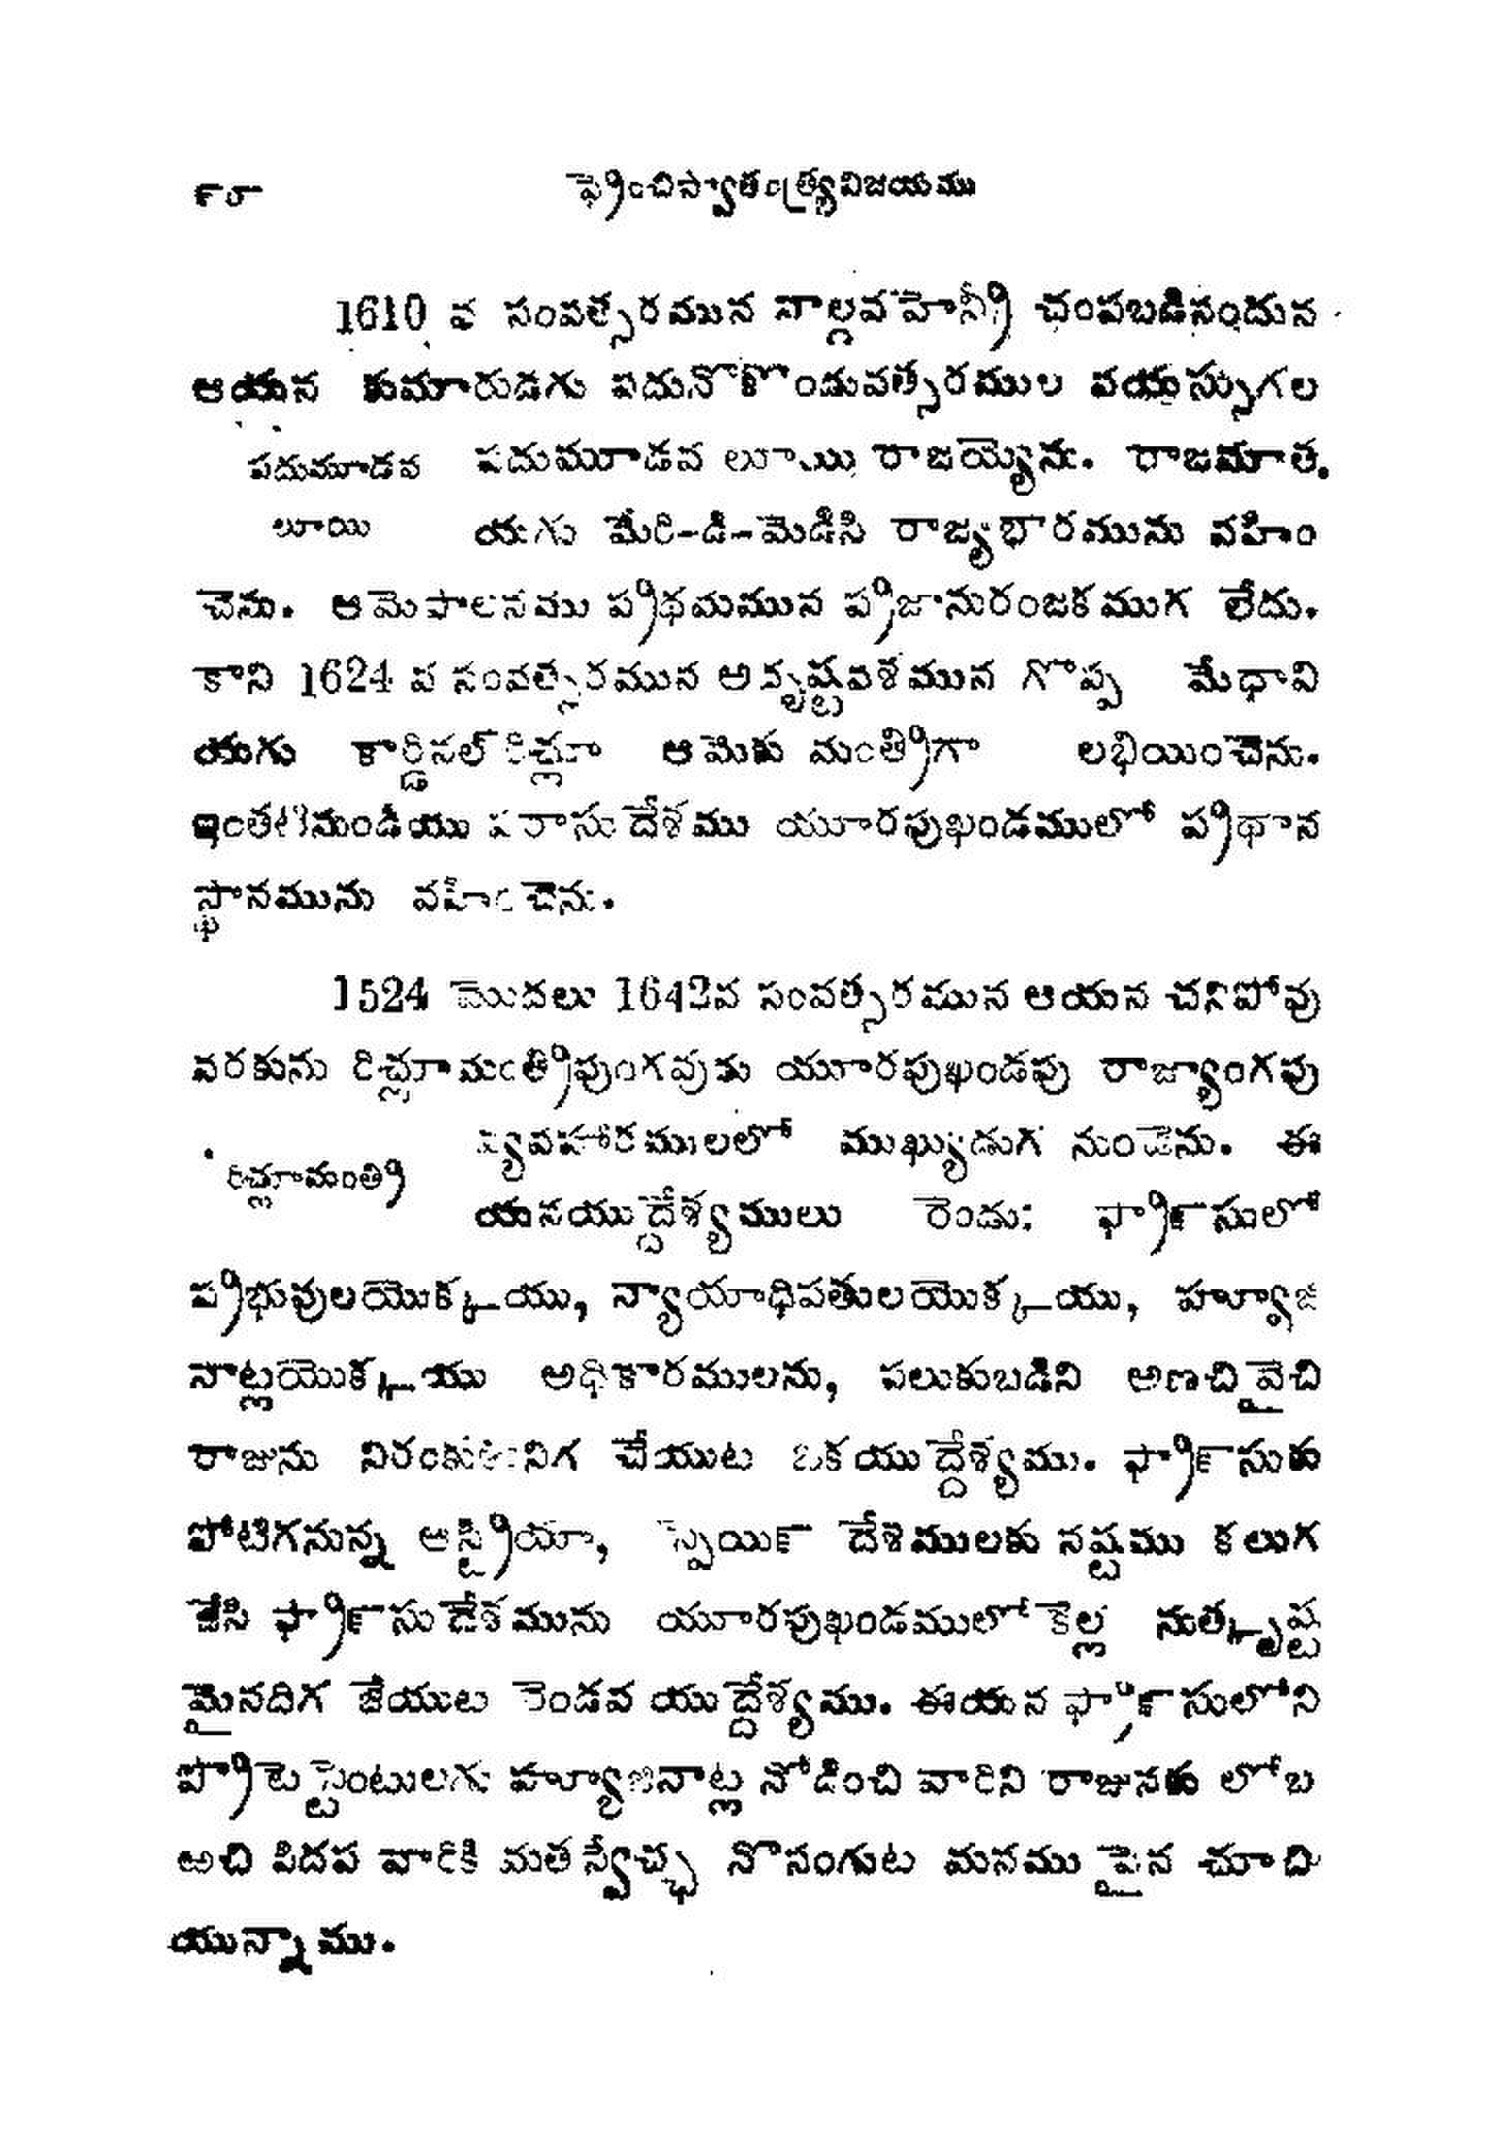పదుమూడవ 
లూయి

1610 వ సంవత్సరమున నాల్గవ హెన్రీ చంపబడినందున .
ఆయన కుమారుడగు పదునొకొండువత్సరముల వయస్సుగల
పదుమూడవ లూయి రాజయ్యెను. రాజమాత.
యగు మేరి-డి- మెడిసి రాజ్యభారమును వహిం
చెను. ఆ మెపాలనము ప్రథమమున ప్రజానురంజకముగ లేదు.
కాని 1624 వ సంవత్సరమున అదృష్టవశమున గోప్ప మేధావి
యుగు కార్డినల్ రిచ్లూ ఆ మెకు మంత్రిగా లభియించెను.
ఇంత నుండియు పరాసు దేశము యూరఫుఖండములో ప్రధాన
స్థానమును వహించెను.

1524 మొదలు 1642వ సంవత్సరమున ఆయన చనిపోవు
వరకును రిచ్లూ మంత్రి పుంగవుడు యూరఫుఖండపు రాజ్యాంగపు
వ్యవహారములలో ముఖ్యుడుగ' నుండెను. ఈ
యన యు దదేశ్యములు రెండు: ప్రాన్సులో
ప్రభువుల యొక్కయు, న్యాయాధిపతుల యొక్కయు, హ్యూజి
నాట్ల యొక్కయు అధికారములను, పలుకుబడిని అణచి వేచి
రాజును నిరంకుశునిగ చేయుట ఒక యుద్దేశ్యము. ఫాన్సుకు
పోటీగనున్న ఆస్ట్రియా, "స్పెయిన్ దేశములకు నష్టము కలుగ
చేసి ఫ్రాన్సు దేశమును యూరపుఖండములో కెల్ల నుత్కృష్ట
మైనదిగ జేయుట రెండవ యుద్దేశ్యము. ఈయన ఫాన్సు లోని
ప్రొటెస్టెంటులగు హ్యూళినాట్ల నోడించి వారిని రాజునకు లోబ
బిచి పిదప వారికి మత స్వేచ్ఛ నొసంగుట మనము పైన చూచి
యున్నాము.